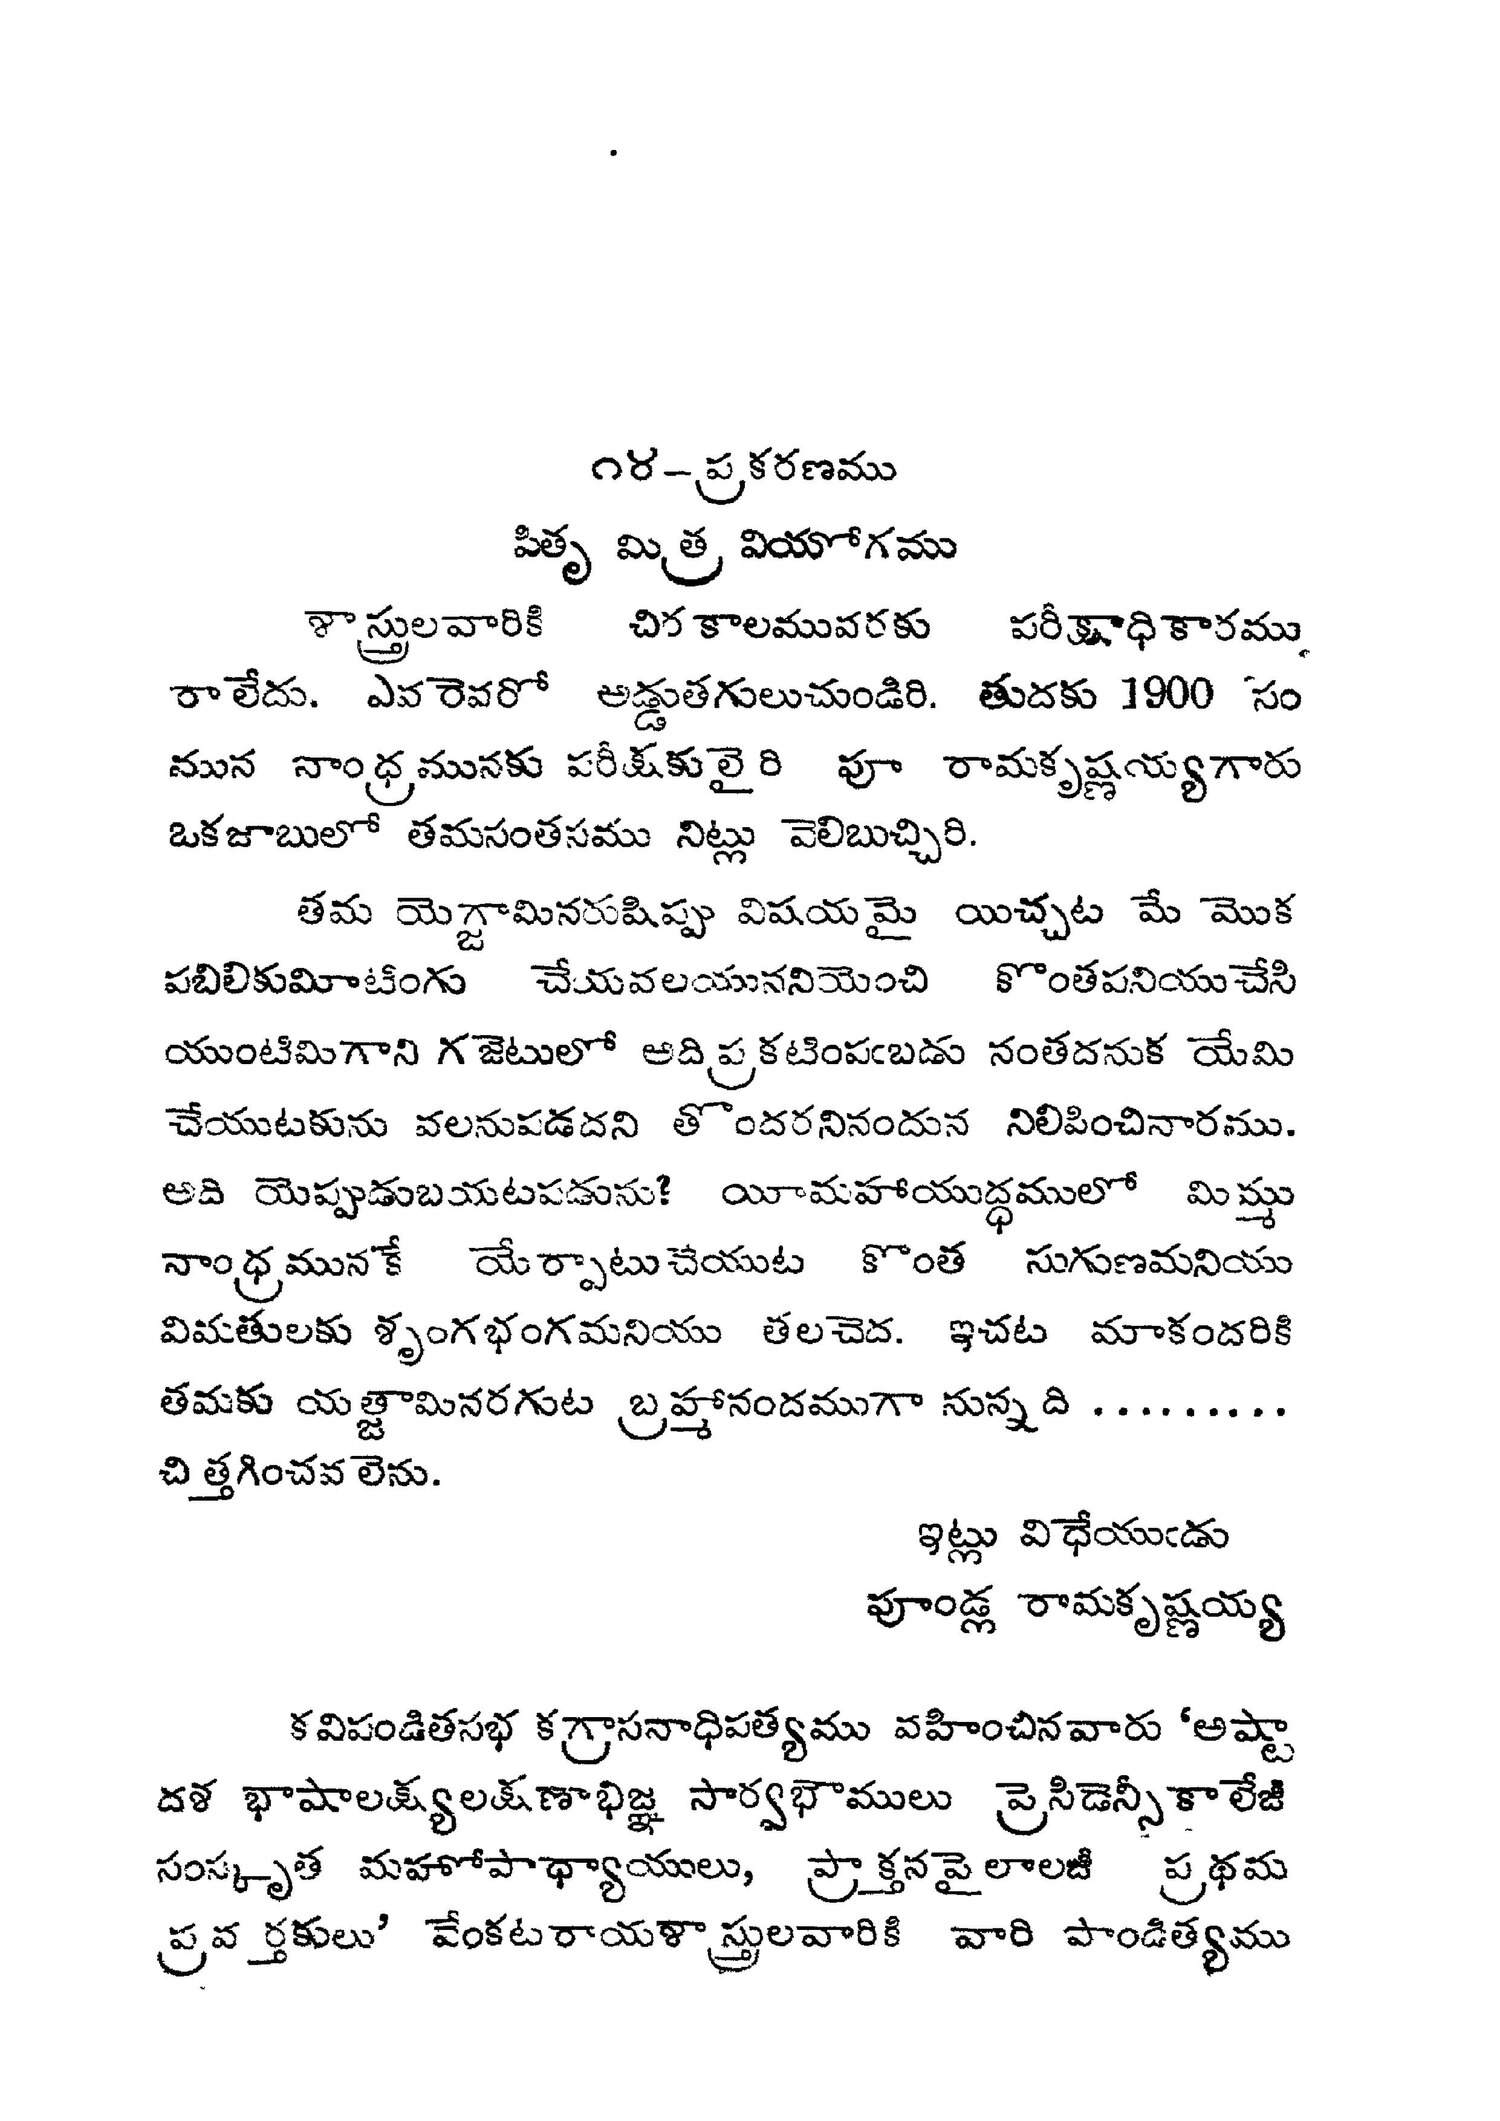శాస్త్రులవారికి చిరకాలమువరకు పరీక్షాధికారము రాలేదు. ఎవరెవరో అడ్డుతగులుచుండిరి. తుదకు 1900 సం. మున నాంధ్రమునకు పరీక్షకులైరి పూ రామకృష్ణయ్యగారు ఒకజాబులో తమసంతసము నిట్లు వెలిబుచ్చిరి.

తమ యెగ్జామినరుషిప్పు విషయమై యిచ్చట మే మొక పబిలికుమీటింగు చేయవలయుననియెంచి కొంతపనియుచేసి యుంటిమిగాని గజెటులో అదిప్రకటింపబడు నంతదనుక యేమి చేయుటకును వలనుపడదని తొందరనినందున నిలిపించినారము. అది యెప్పుడుబయటపడును? యీ మహాయుద్ధములో మిమ్ము నాంధ్రమునకే యేర్పాటుచేయుట కొంత సుగుణమనియు విమతులకు శృంగభంగమనియు తలచెద. ఇచట మాకందరికి తమకు యత్జామినరగుట బ్రహ్మానందముగా నునది.........చిత్తగించవలెను.
ఇట్లు విధేయుడు
పూండ్ల రామకృష్ణయ్య

కవిపండితసభ కగ్రాసనాధిపత్యము వహించినవారు 'అష్టాదశ భాషాలక్ష్యలక్షణాభిజ్ఞ సార్వభౌములు ప్రెసిడెన్సీ కాలేజి సంస్కృత మహోపాధ్యాయులు, ప్రాక్తనపైలాలజీ ప్రథమ ప్రవర్తకులు' వేంకటరాయశాస్త్రులవారికి వారి పాండిత్యము